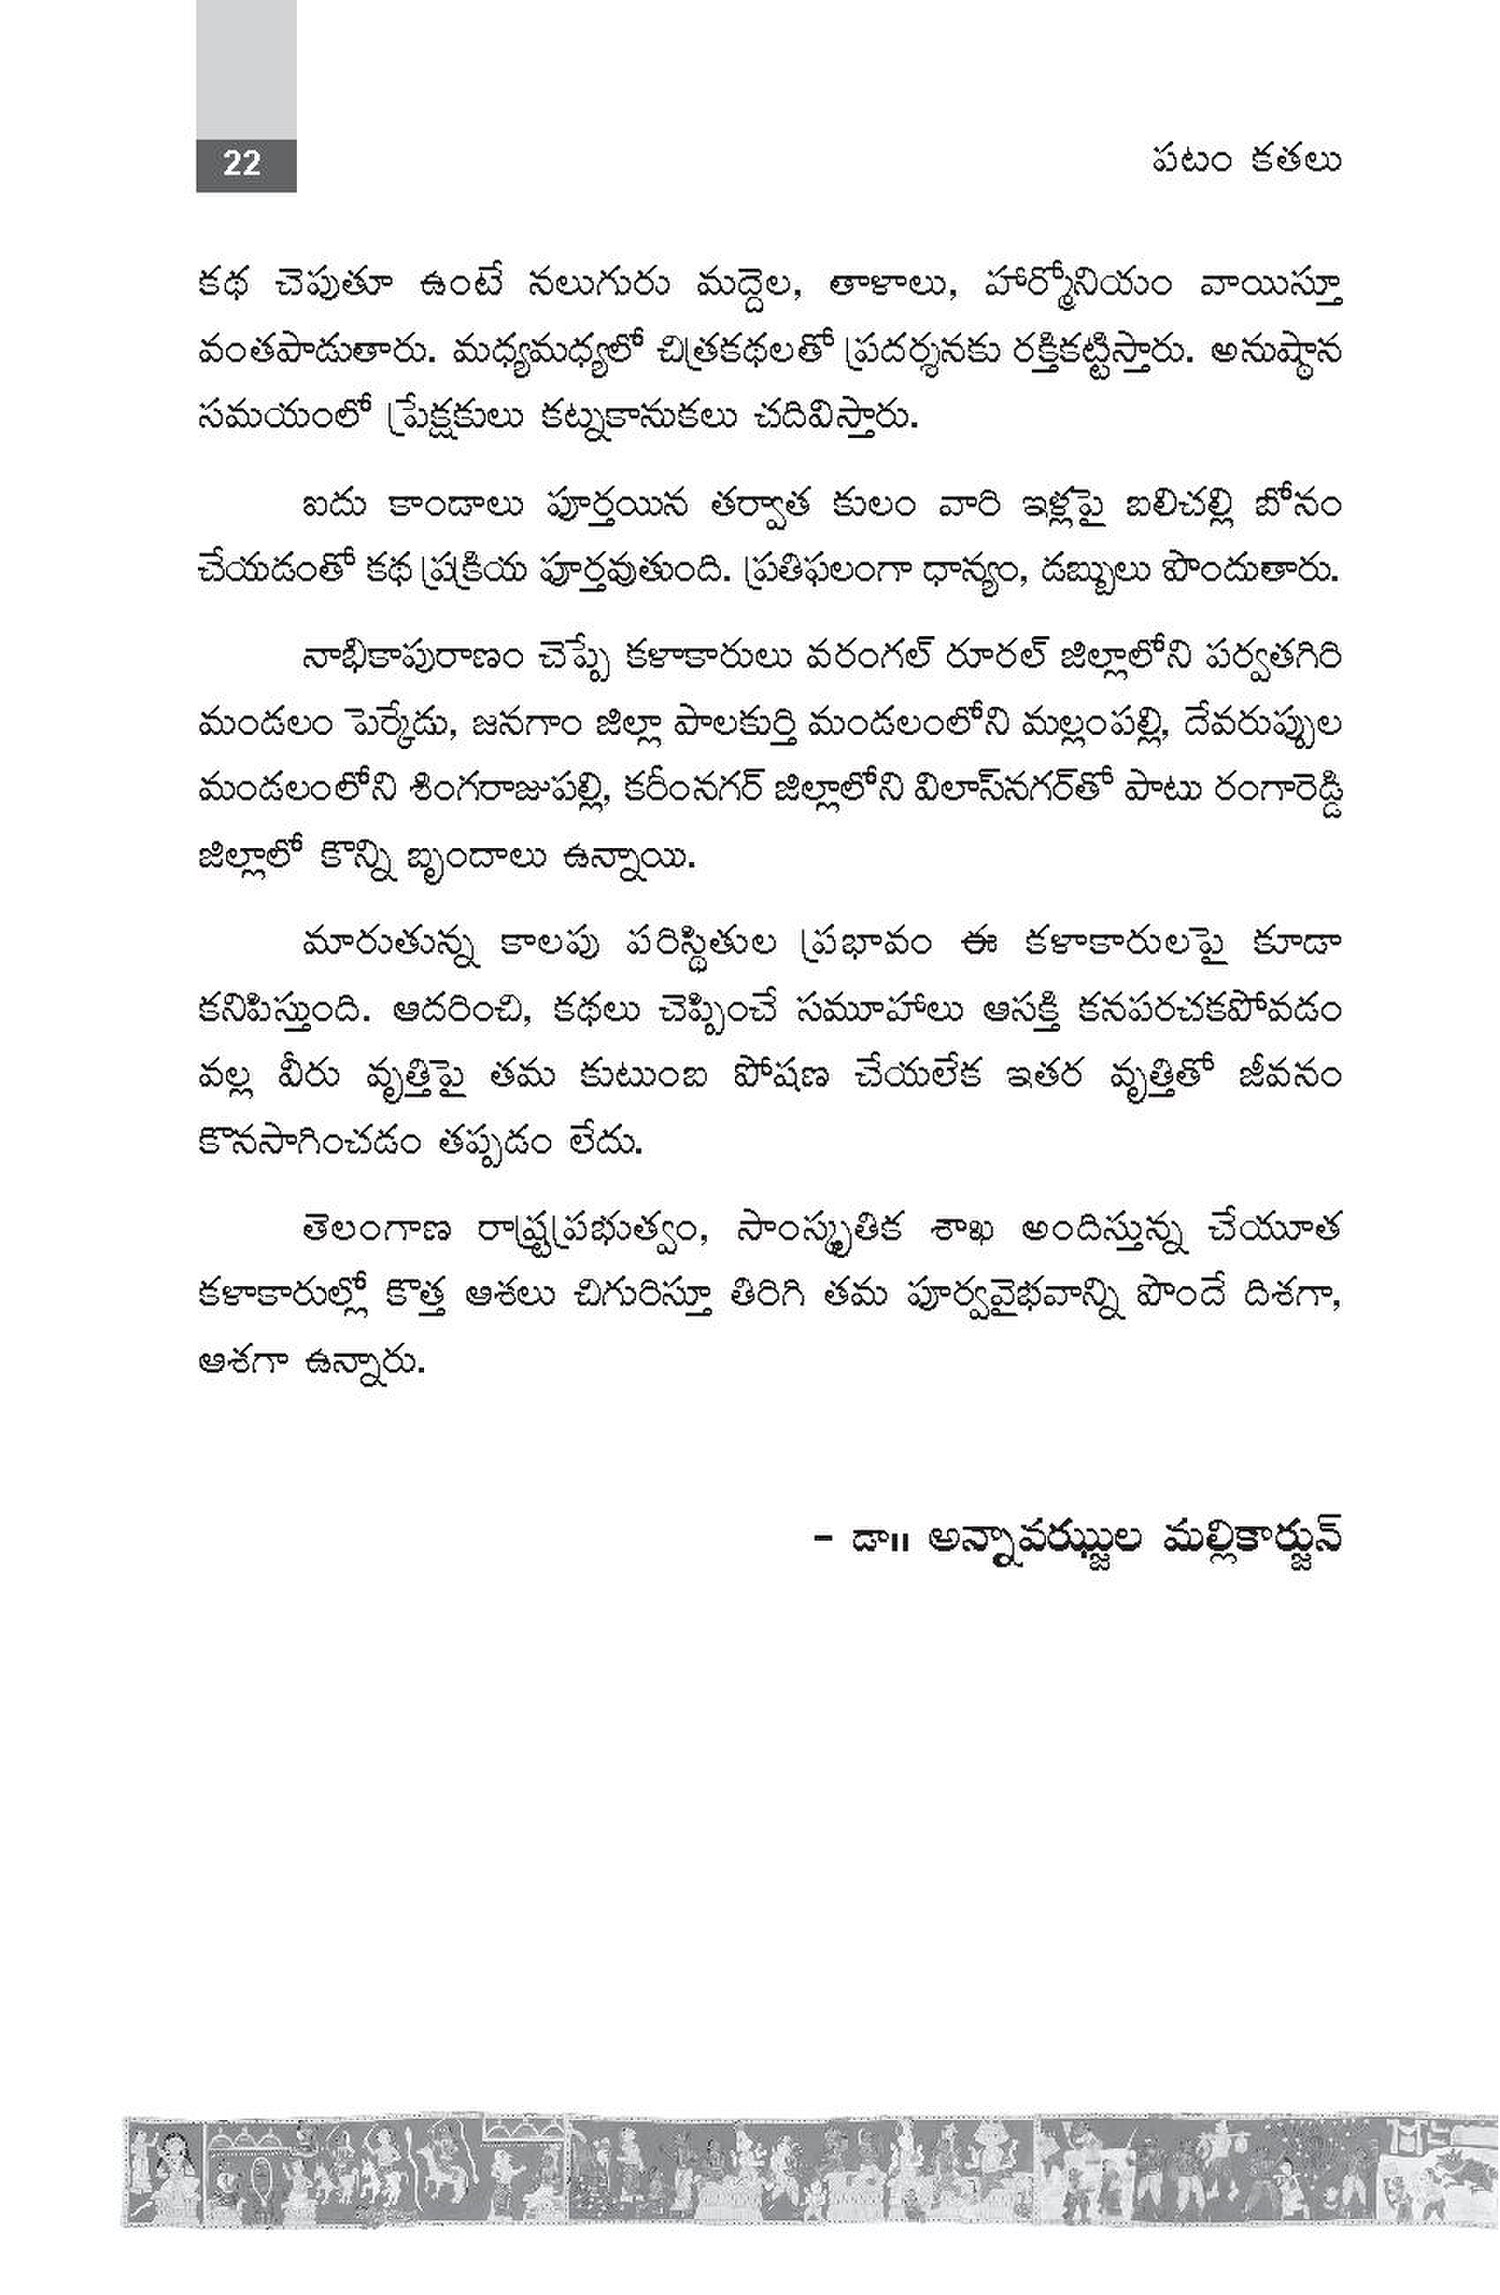కథ చెపుతూ ఉంటే నలుగురు మద్దెల, తాళాలు, హార్మోనియం వాయిస్తూ వంతపాడుతారు. మధ్యమధ్యలో చిత్రకథలతో ప్రదర్శనకు రక్తికట్టిస్తారు. అనుష్ఠాన సమయంలో ప్రేక్షకులు కట్నకానుకలు చదివిస్తారు.

ఐదు కాండాలు పూర్తయిన తర్వాత కులం వారి ఇళ్లపై బలిచల్లి బోనం. చేయడంతో కథ ప్రక్రియ పూర్తవుతుంది. ప్రతిఫలంగా ధాన్యం, డబ్బులు పొందుతారు.

నాభికాపురాణం చెప్పే కళాకారులు వరంగల్ రూరల్ జిల్లాలోని పర్వతగిరి మండలం పెర్కేడు, జనగాం జిల్లా పాలకుర్తి మండలంలోని మల్లంపల్లి, దేవరుప్పుల మండలంలోని శింగరాజుపల్లి, కరీంనగర్ జిల్లాలోని విలాస్నగర్ తో పాటు రంగారెడ్డి జిల్లాలో కొన్ని బృందాలు ఉన్నాయి.

మారుతున్న కాలపు పరిస్థితుల ప్రభావం ఈ కళాకారులపై కూడా కనిపిస్తుంది. ఆదరించి, కథలు చెప్పించే సమూహాలు ఆసక్తి కనపరచకపోవడం వల్ల వీరు వృత్తిపై తమ కుటుంబ పోషణ చేయలేక ఇతర వృత్తితో జీవనం కొనసాగించడం తప్పడం లేదు.

తెలంగాణ రాష్ట్రప్రభుత్వం, సాంస్కృతిక శాఖ అందిస్తున్న చేయూత కళాకారుల్లో కొత్త ఆశలు చిగురిస్తూ తిరిగి తమ పూర్వవైభవాన్ని పొందే దిశగా, ఆశగా ఉన్నారు.